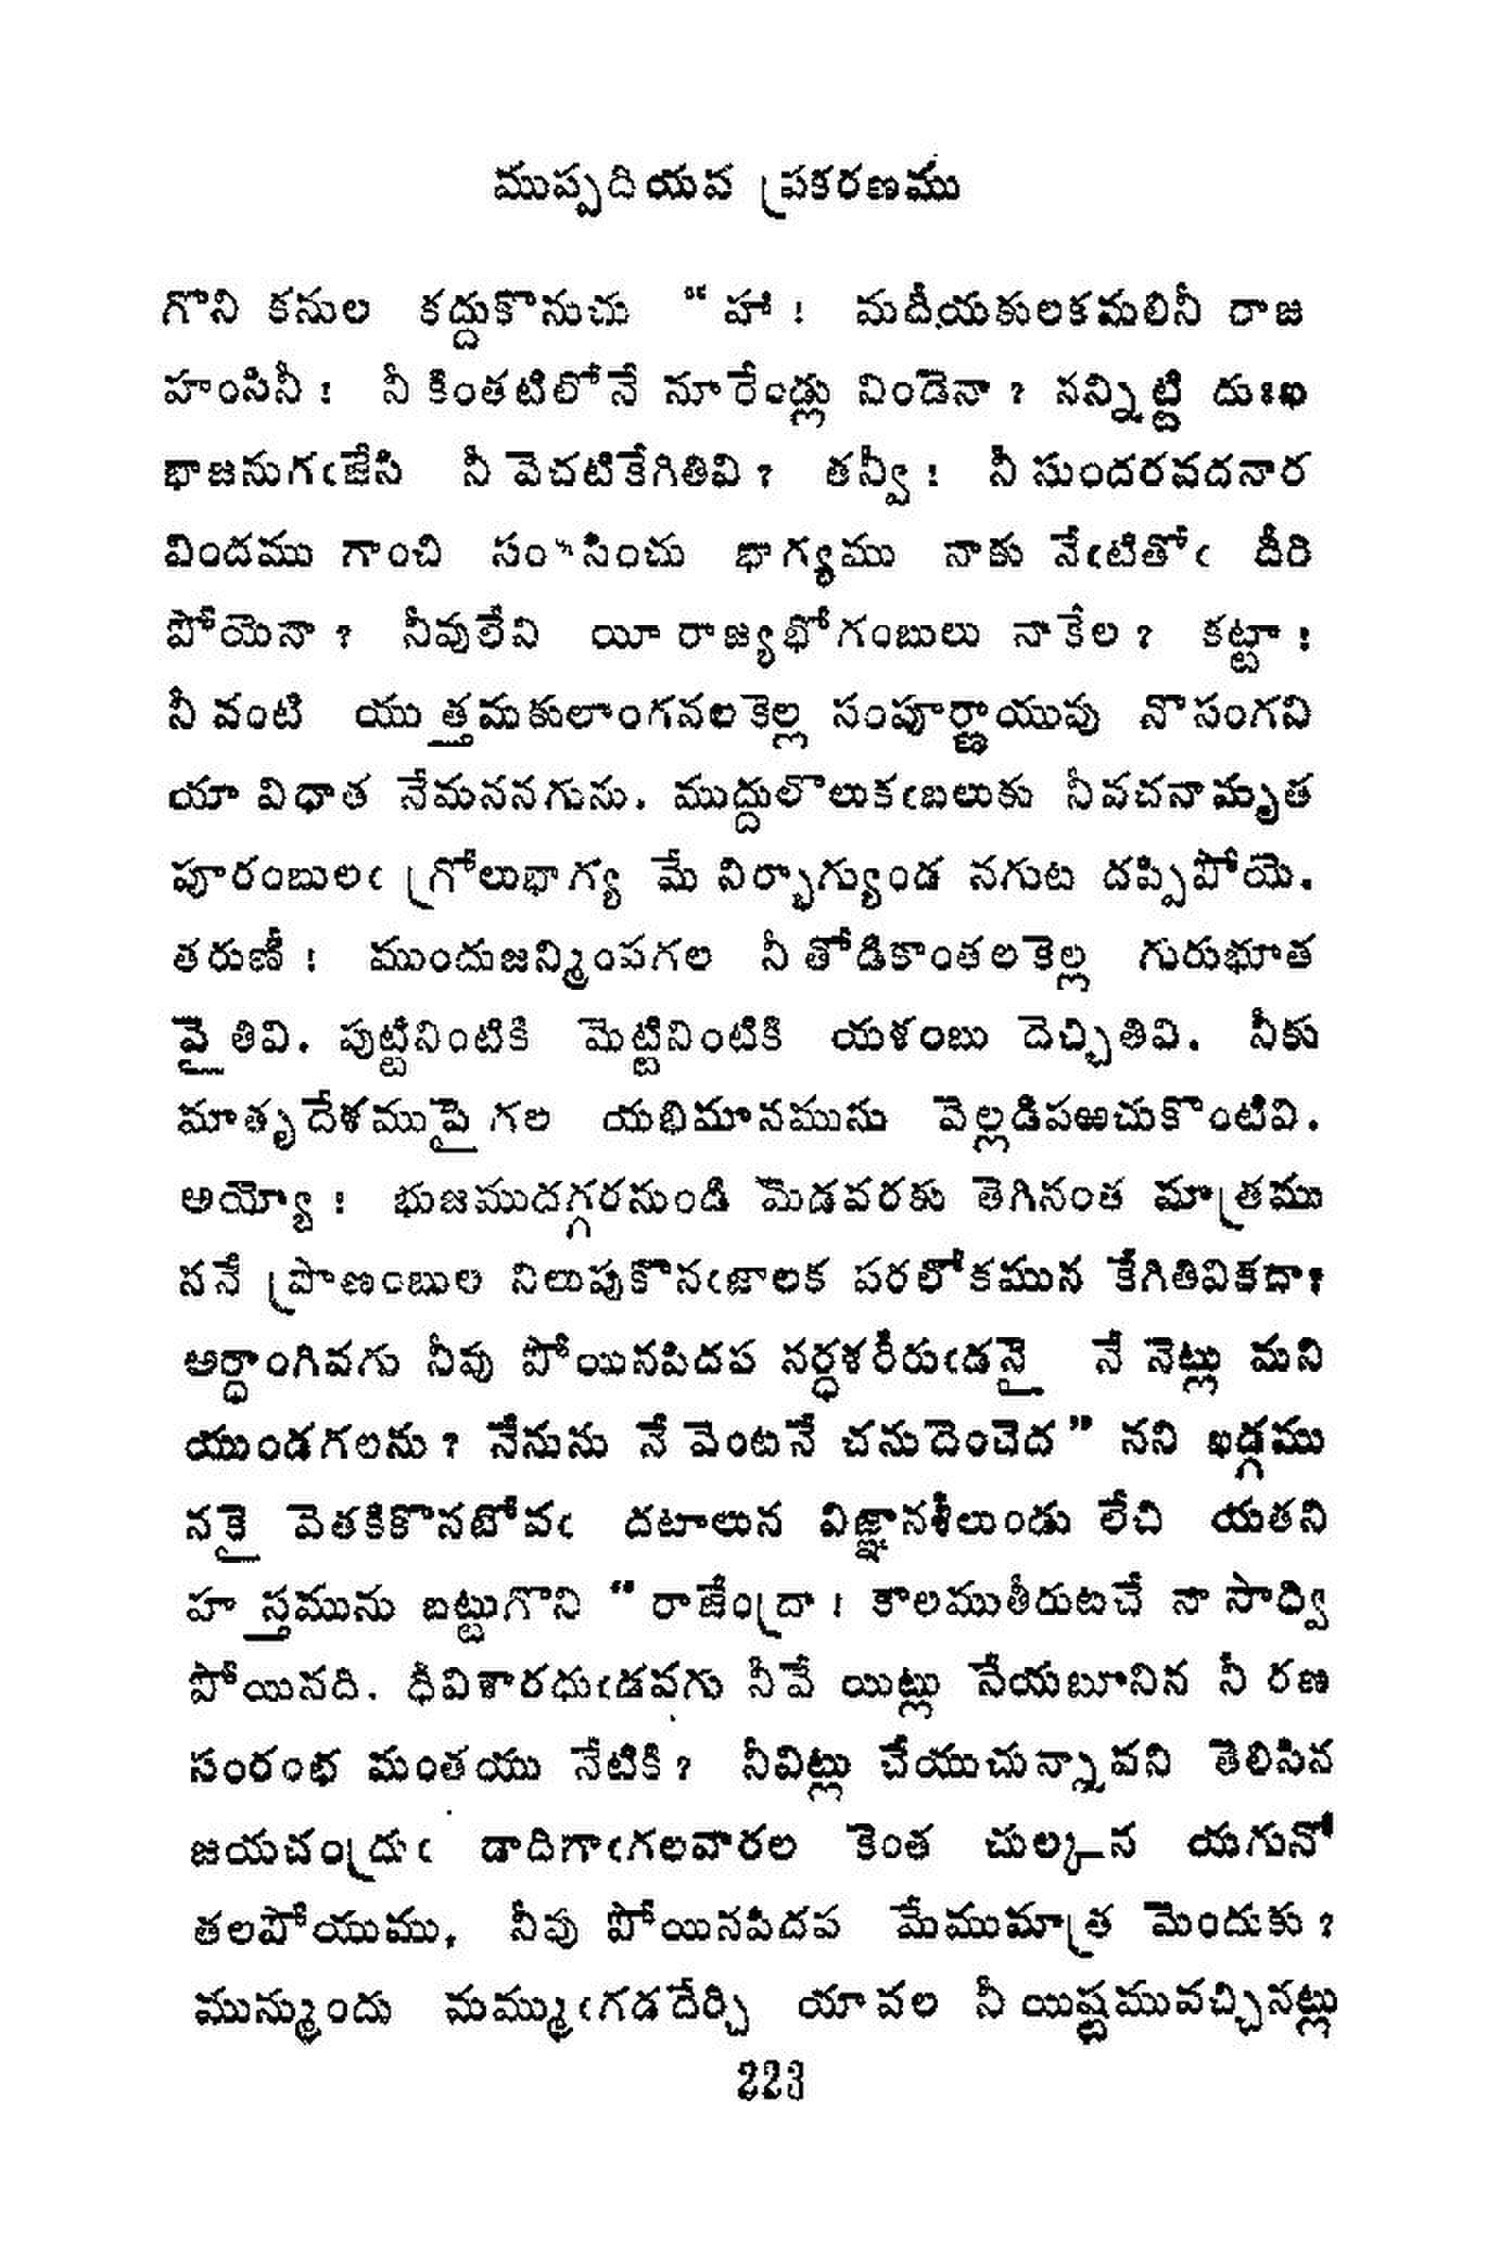గొని కనుల కద్దుకొనుచు. "హా ! మదీయకులకమలినీ రాజ హంసినీ ! నీ కింతటిలోనే నూరేండ్లు నిండెనా? నన్నిట్టి దుఃఖ భాజనుగఁజేసి నీ వెచటికేగితివి? తన్వీ! నీ సుందరవదనార విందము గాంచి సంతసించు భాగ్యము నాకు నేఁటితోఁ దీరి పోయెనా? నీవులేని యీ రాజ్యభోగంబులు నాకేల? కట్టా! నీ వంటి యుత్తమకులాంగనల కెల్ల సంపూర్ణాయువు నొసంగవి యా విధాత నేమననగును. ముద్దులొలుకఁబలుకు నీవచనామృత పూరంబులఁ గ్రోలుభాగ్య మే నిర్భాగ్యుండ నగుట దప్పిపోయె. తరుణీ ! ముందుజన్మింపగల నీ తోడికాంతలకెల్ల గురుభూత వైతివి. పుట్టినింటికి మెట్టినింటికి యశంబు దెచ్చితివి. నీకు మాతృదేశముపై గల యభిమానమును వెల్లడిపఱచుకొంటివి. అయ్యో ! భుజముదగ్గరనుండి మెడవరకు తెగినంత మాత్రముననే ప్రాణంబుల నిలుపుకొనఁజాలక పరలోకమున కేగితివికదా? అర్ధాంగివగు నీవు పోయినపిదప నర్దశరీరుఁడనై నే నెట్లు మని యుండగలను? నేనును నీవెంటనే చనుదెంచెద" నని ఖడ్గమునకై వెతకికొనబోవఁ దటాలున విజ్ఞానశీలుండు లేచి యతని హస్తమును బట్టుగొని " రాజేంద్రా | కాలముతీరుటచే నా సాద్వి పోయినది. ధీవిశారధుఁడవగు నీవే యిట్లు సేయబూనిన నీ రణ సంరంభ మంతయు నేటికి ? నీవిట్లు చేయుచున్నావని తెలిసిన జయచంద్రుఁ డాదిగాఁగలవారల కెంత చుల్కన యగునో తలపోయుము. నీవు పోయినపిదప మేముమాత్ర మెందుకు? మున్ముందు మమ్ముఁగడదేర్చి యావల నీ యిష్టమువచ్చినట్లు